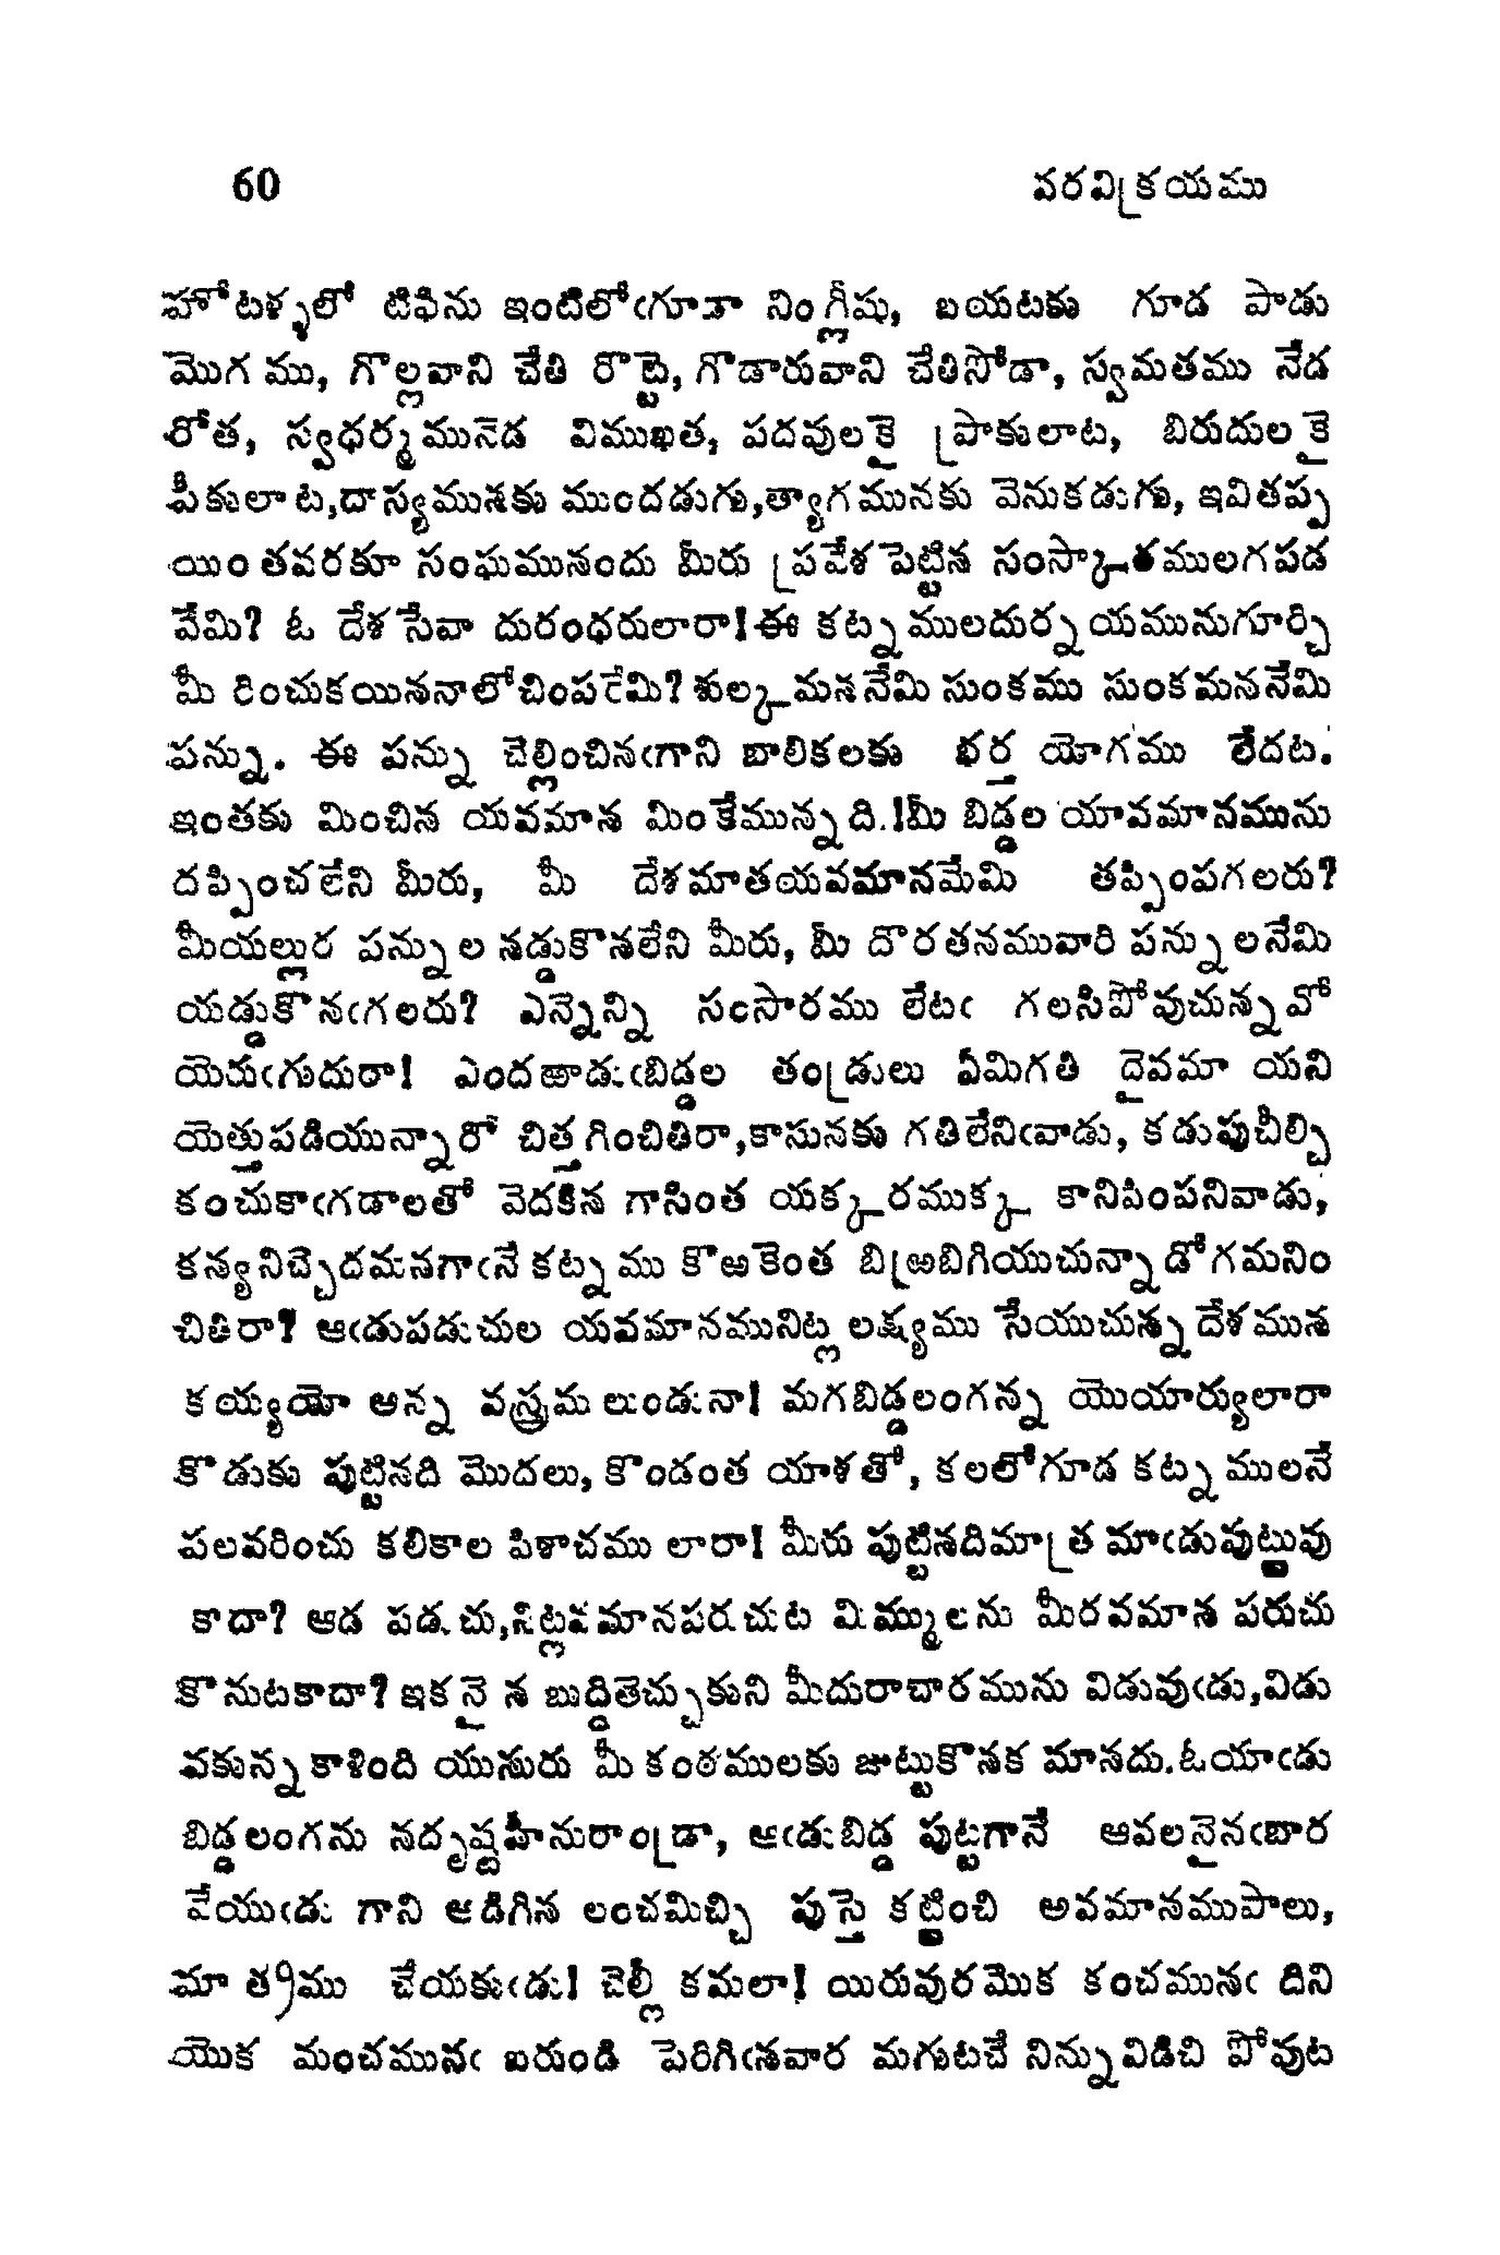హోటళ్ళలో టిఫెను, ఇంటిలోఁగూడ నింగ్లీషు, బయటకు గూడ పాడుమొగము, గొల్లవానిచేతి రొట్టె, గొడారువాని చేతిసోడా, స్వమతము నెడ రోత, స్వధర్మమునెడ విముఖత, పదవులకై ప్రాకులాట, బిరుదులకై పీకులాట, దాస్యమునకు ముందడుగు, త్యాగమునకు వెనకడుగు. ఇవితప్ప యింతవరకూ సంఘమునందు మీరు ప్రవేశపెట్టిన సంస్కారములగపడవేమి? ఓ దేశసేవా దురంధరులారా! ఈ కట్నములదుర్నయమునుగూర్చి మీ రించుకయినాలోచింపరేమి? శుల్కమననేమి? సుంకము, సుంకమననేమి పన్ను. ఈ పన్ను చెల్లించినఁగాని బాలికలకు భర్త యోగము లేదట. ఇంతకు మించిన యవమాన మింకేమున్నది? మీ బిడ్డల యవమానమును దప్పించలేని మీరు, మీ దేశమాతయవమానమేమి తప్పింపగలరు? మీయల్లుర పన్నుల నడ్డుకొనలేని మీరు, మీ దొరతనమువారి పన్నులనేమి యడ్డుకొనఁగలరు? ఎన్నెన్ని సంసారము లేటఁ గలిసిపోవుచున్నవో యెరుఁగుదురా! ఎందఱాఁడుబిడ్డల తండ్రులు ఏమిగతి దైవమా యని యెత్తుపడియున్నారో చిత్తగించితిరా, కాసునకు గతిలేనివాఁడు, కడుపుచీల్చి కంచుకాఁగడాలతో వెదకిన గాసింత యక్కరముముక్క కానిపింపనివాఁడు, కన్యనిచ్చెదమనగాఁనే కట్నము కొఱకెంత బిఱ్రబిగియుచున్నాడో గమనించితిరా? ఆఁడుపడుచుల యవమానమునిట్ల లక్ష్యము సేయుచున్న దేశమున కయ్యయో, అన్న వస్త్రము లుండునా! మగబిడ్డలంగన్న యొయ్యారులారా, కొడుకు పుట్టినది మొదలు, కొండంత యాశతో, కలలోగూడ కట్నములనే పలవిరించు కలికాల పిశాచము లారా! మీరు పుట్టినదిమాత్ర మాఁడుపుట్టువు కాదా? ఆడ పడుచు నిట్లవమానపరుచుట మిమ్ములను మీరవమాన పరుచుకొనుటకాదా? ఇకనైన బుద్ధితెచ్చుకొని మీదురాచారమును విడువుఁడు. విడువకున్న కాళింది యుసురు మీ కంఠములకు జుట్టుకొనక మానదు. ఓయాఁడుబిడ్డలంగను నదృష్టహీనురాండ్రా, ఆఁడుబిడ్డ పుట్టగానే ఆవలనైనఁ బారవేయుఁడు గాని అడిగిన లంచమిచ్చి పుస్తె కట్టించి అవమానముపాలు, మాత్రము చేయకుఁడు! చెల్లీ కమలా! యిరువురమొక కంచమునఁ దిని యొక మంచమునఁ బరుండి పెరిగినఁవార మగుటచే నిన్నువిడిచి పోవుట